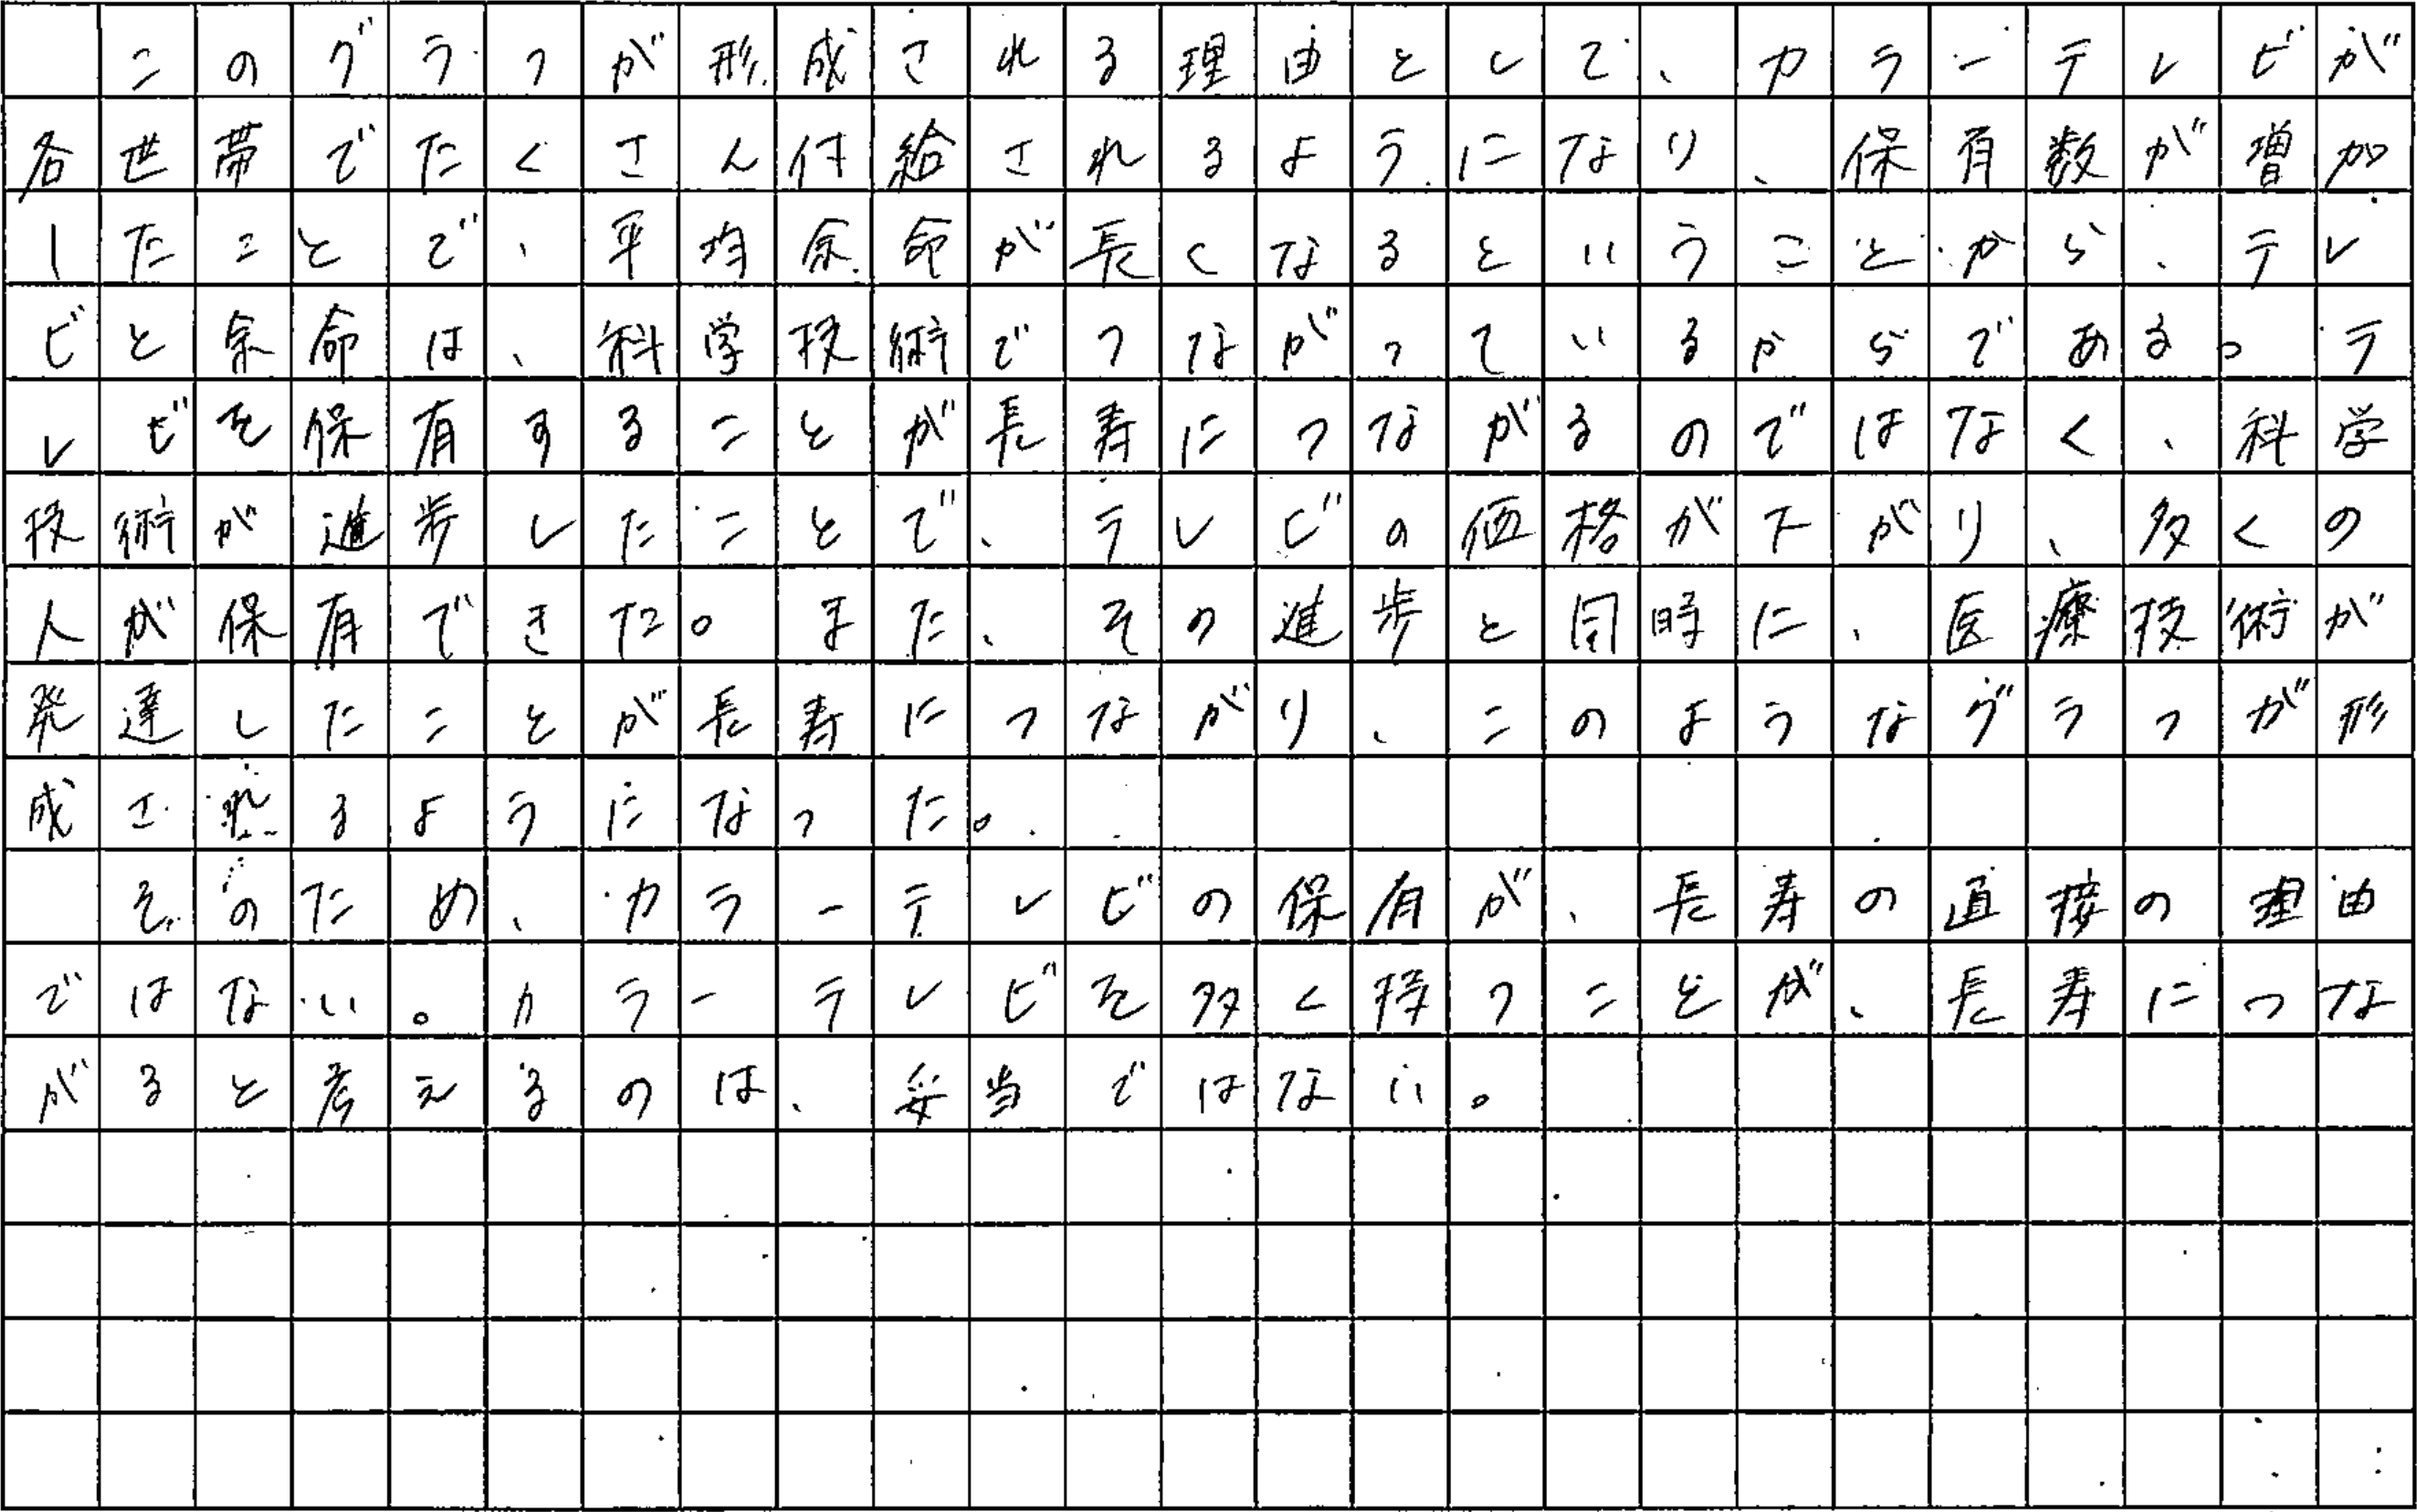　このグラフが形成される理由として、カラーテレビが各世帯でたくさん付給されるようになり、保有数が増加したことで、平均余命が長くなるということから、テレビと余命は、科学技術でつながっているからである。テレビを保有することが長寿につながるのではなく、科学技術が進歩したことで、テレビの価格が下がり、多くの人が保有できた。また、その進歩と同時に、医療技術が発達したことが長寿につながり、このようなグラフが形成されるようになった。
　そのため、カラーテレビの保有が、長寿の直接の理由ではない。カラーテレビを多く持つことが、長寿につながると考えるのは、妥当ではない。
